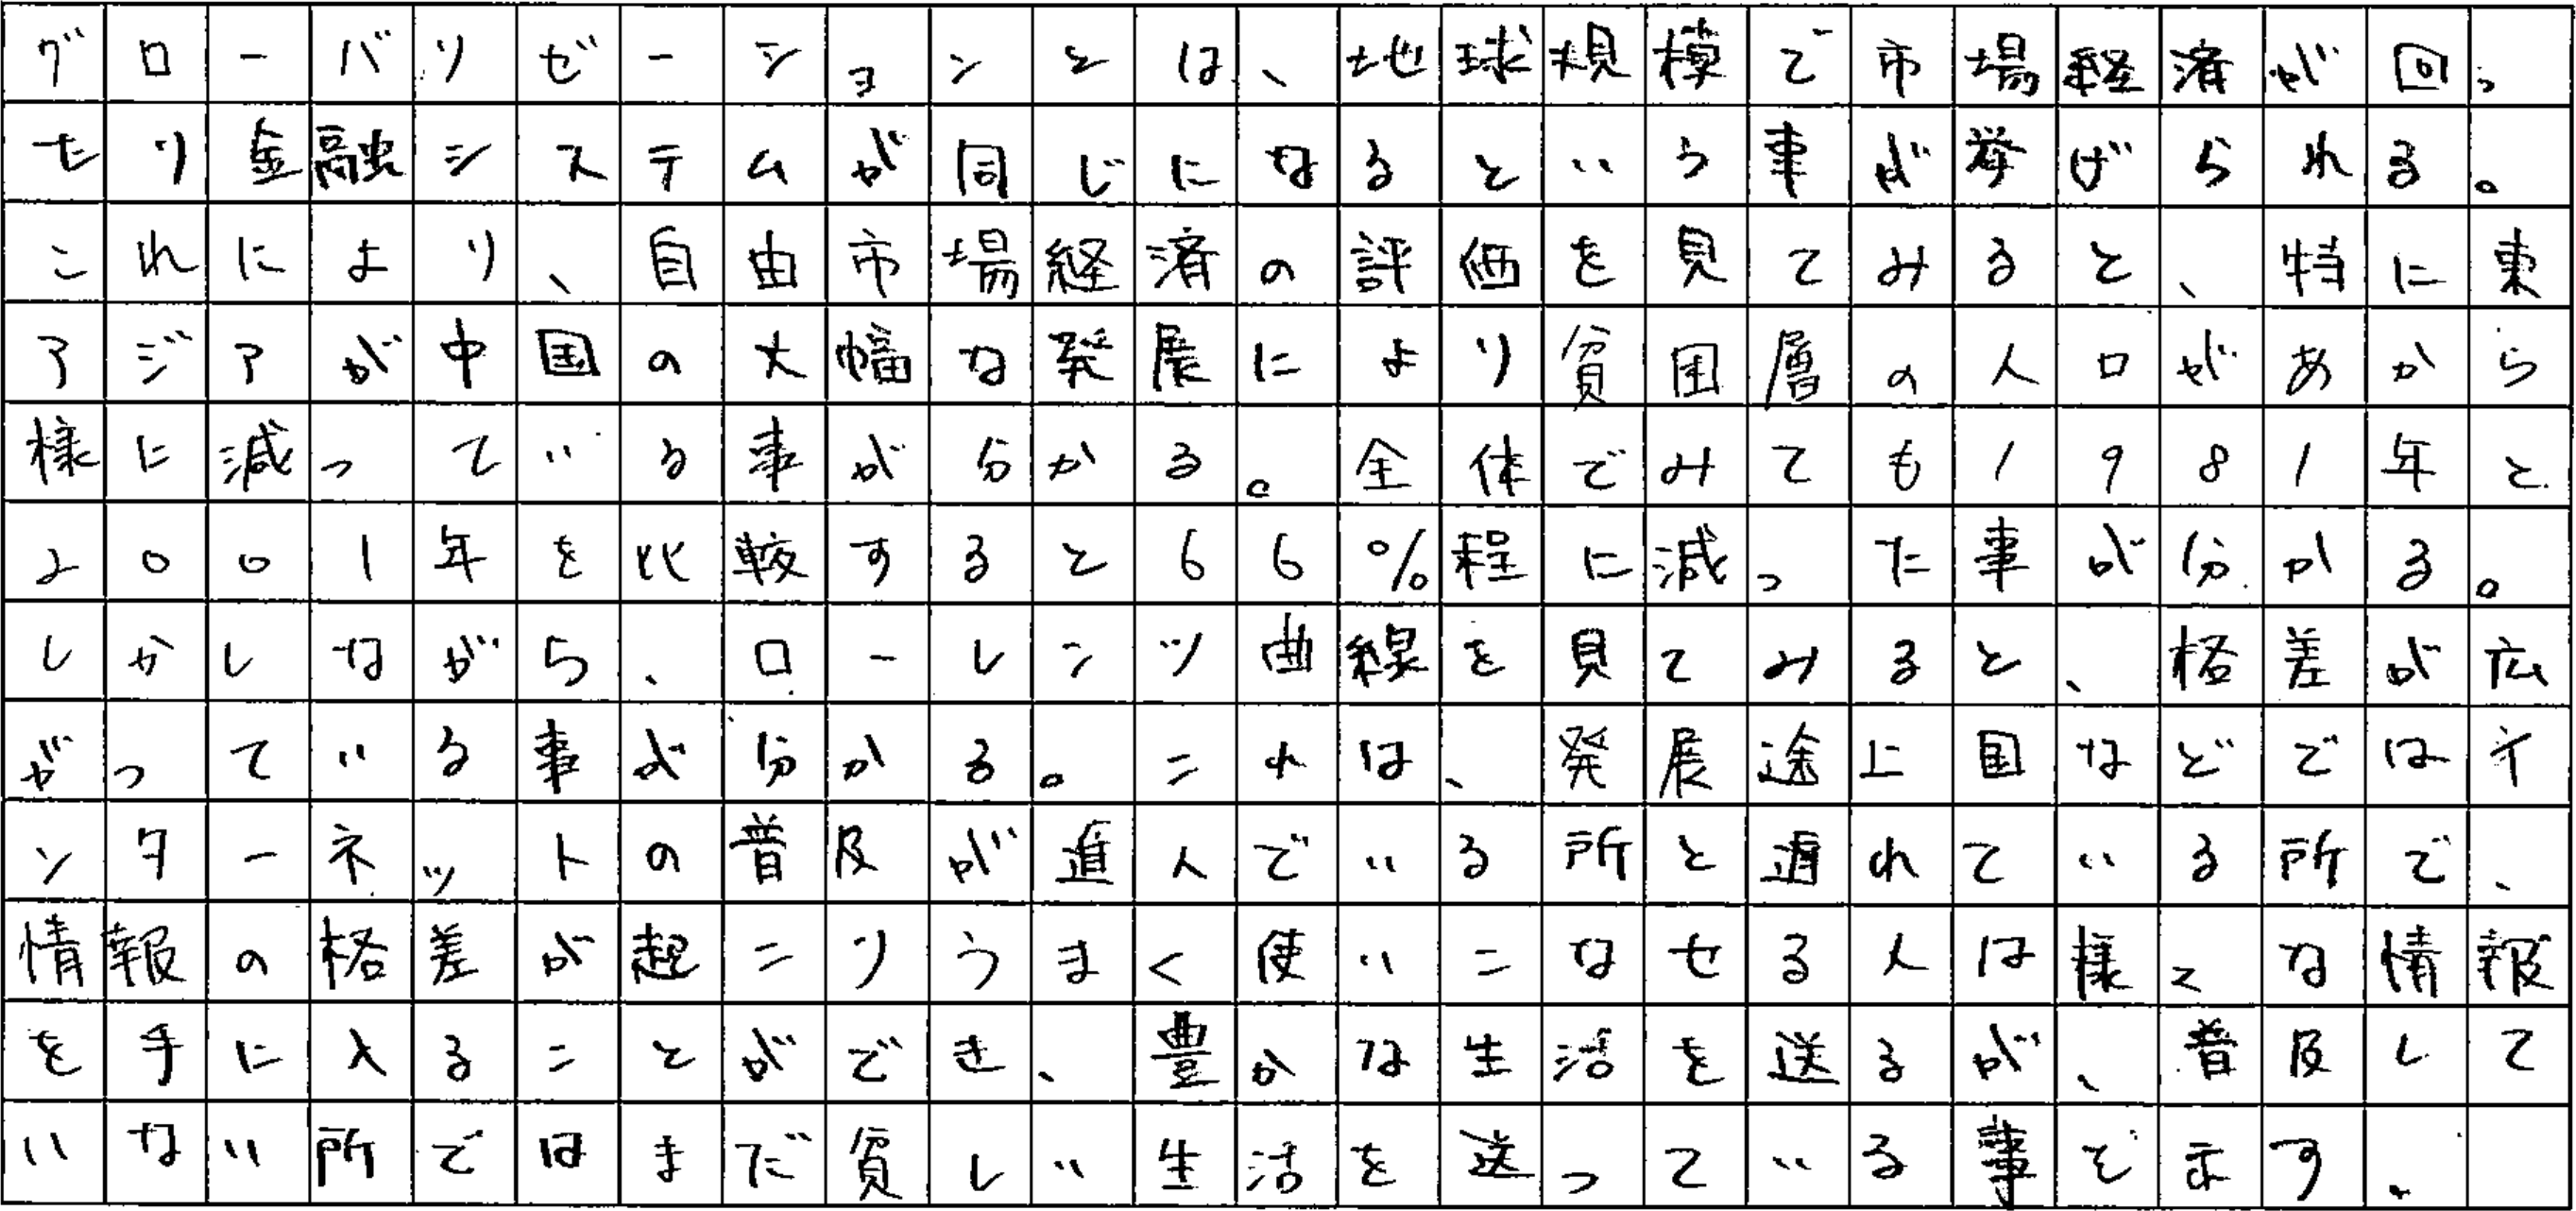グローバリゼーションとは、地球規模で市場経済が回ったり金融システムが同じになるという事が挙げられる。これにより、自由市場経済の評価を見てみると、特に東アジアが中国の大幅な発展により貧困層の人口があから様に減っている事が分かる。全体でみても１９８１年２００１年を比較すると６６％程に減った事が分かる。しかしながら、ローレンツ曲線を見てみると、格差が広がっている事が分かる。これは、発展途上国などではインターネットの普及が進んでいる所と遅れている所で、情報の格差が起こりうまく使いこなせる人は様々な情報を手に入ることができ、豊かな生活を送るが、普及していない所ではまだ貧しい生活を送っている事を示す。
